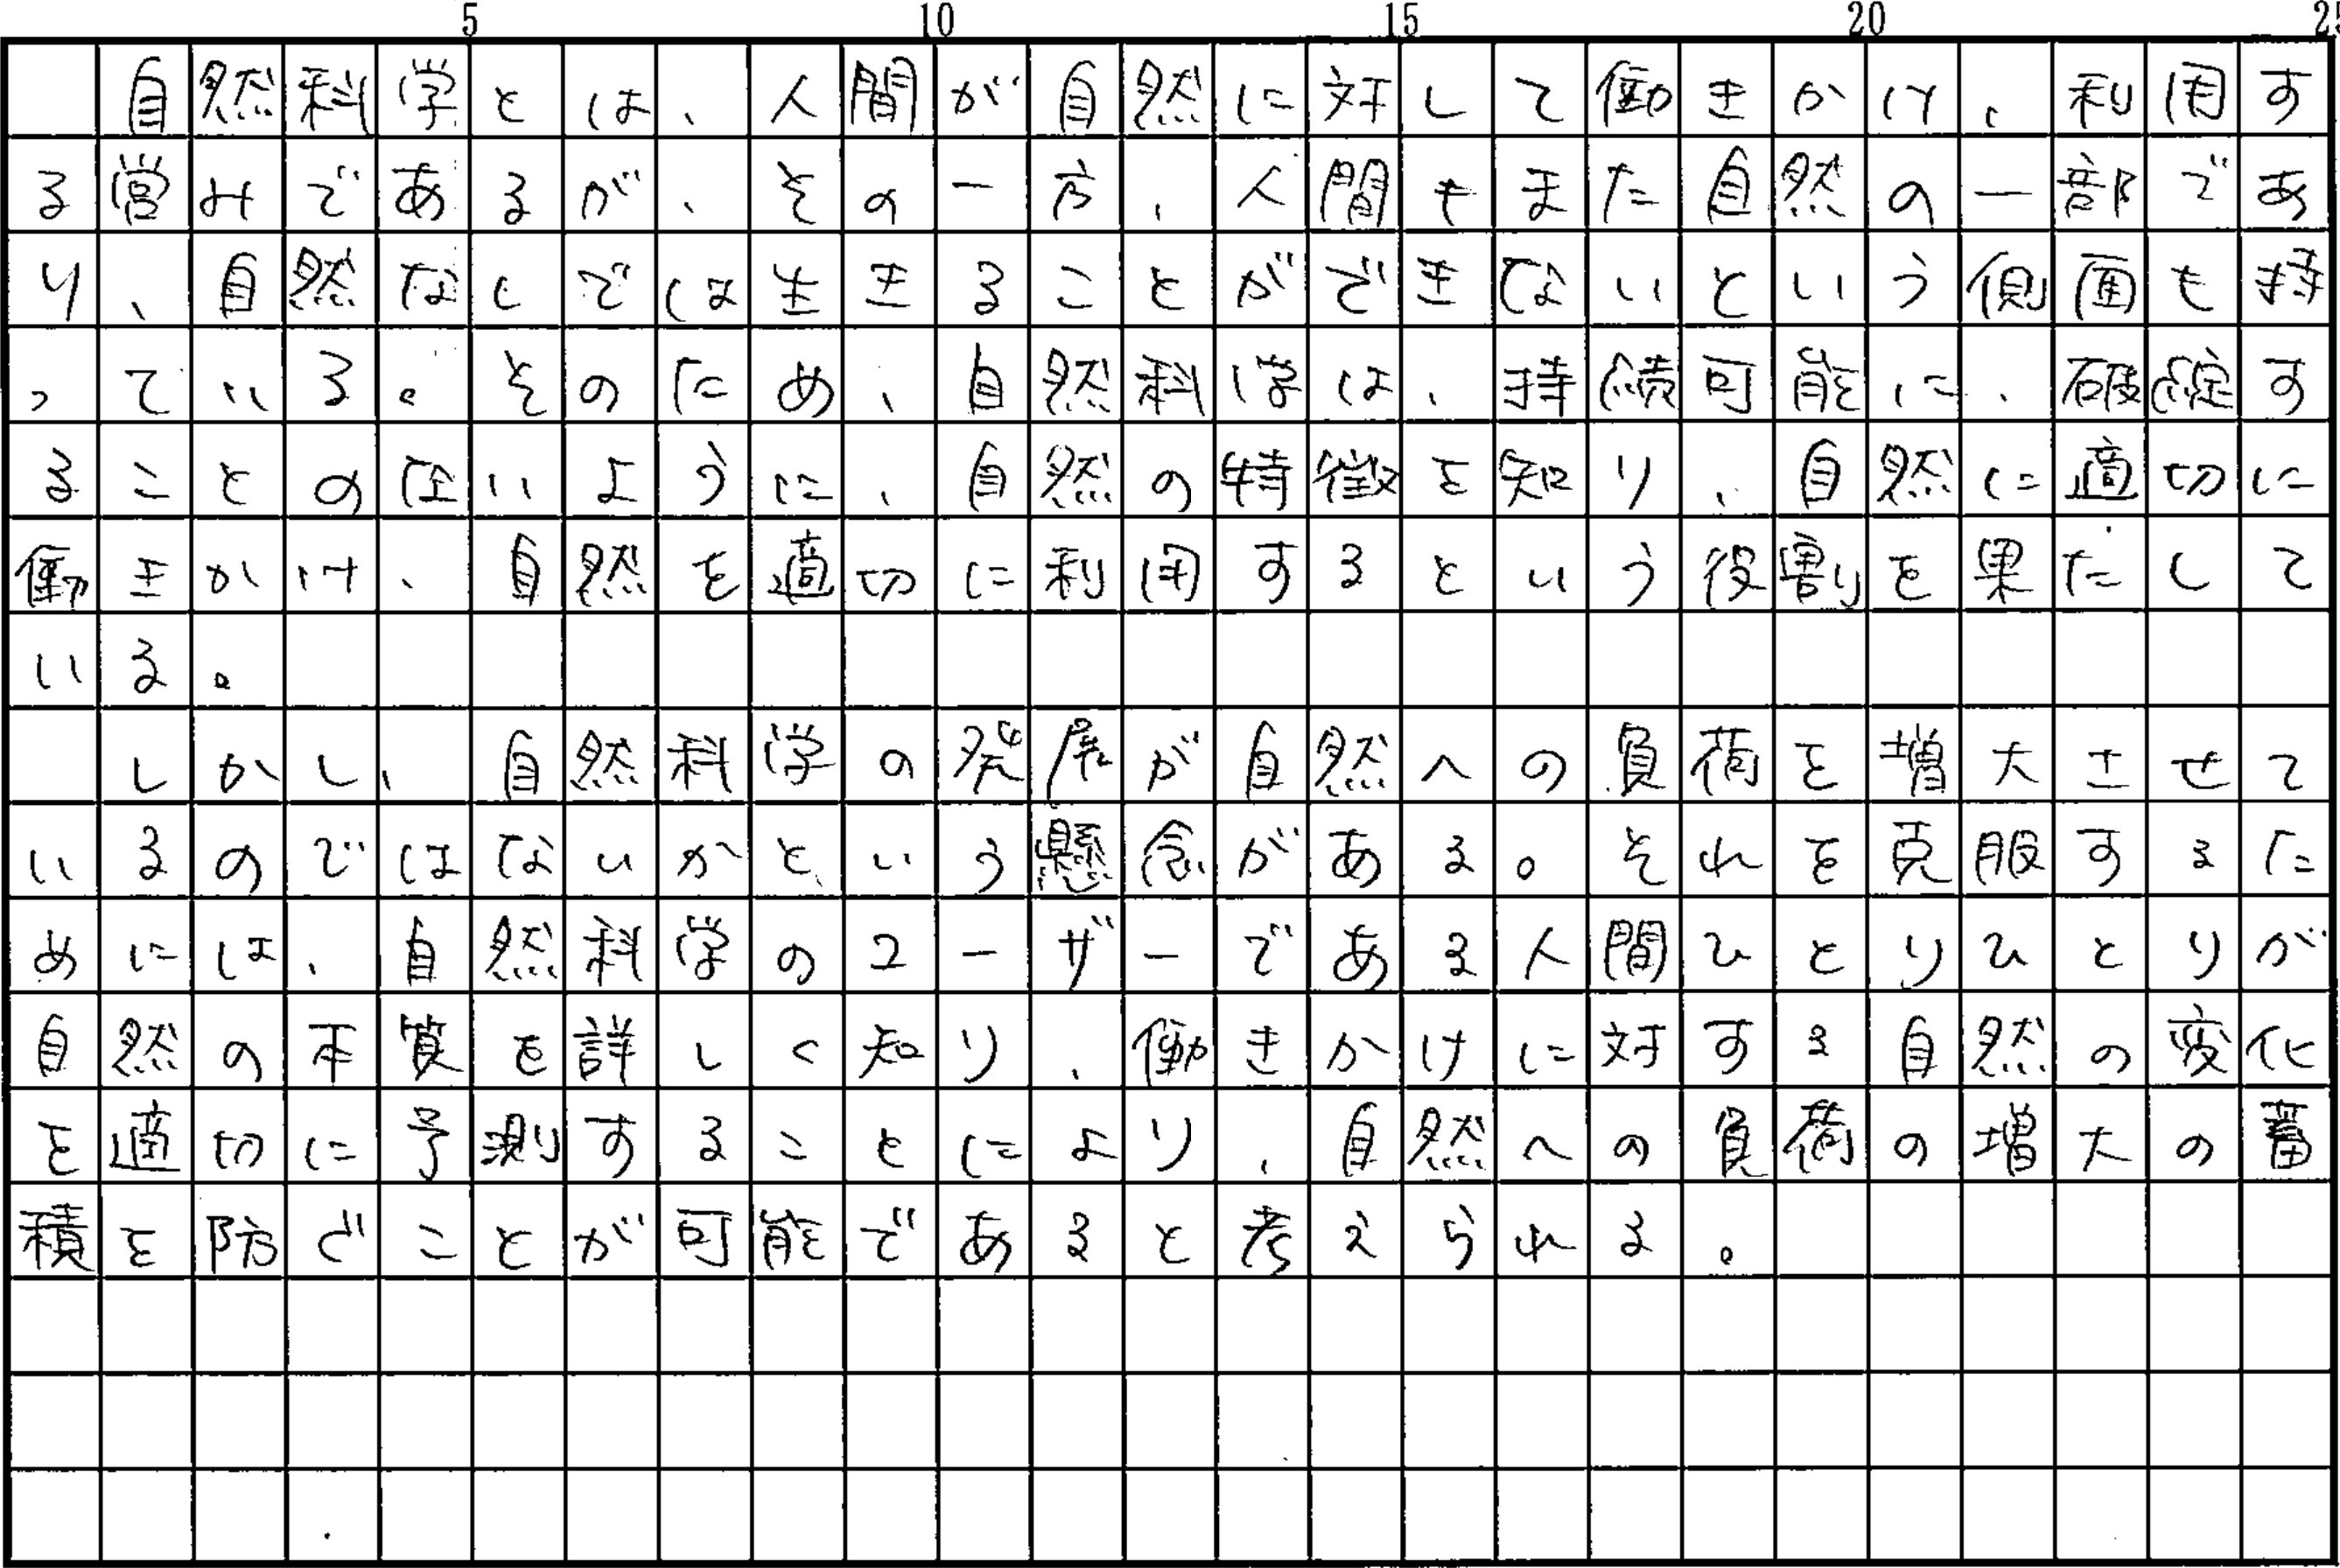　自然科学とは、人間が自然に対して働きかけ、利用する営みであるが、その一方、人間もまた自然の一部であり、自然なしでは生きることができないという側面も持っている。そのため、自然科学は、持続可能に、破綻することのないように、自然の特徴を知り、自然に適切に働きかけ、自然を適切に利用するという役割を果たしている。
　しかし、自然科学の発展が自然への負荷を増大させているのではないかという懸念がある。それを克服するためには、自然科学のユーザーである人間ひとりひとりが自然の本質を詳しく知り、働きかけに対する自然の変化を適切に予測することにより、自然への負荷の増大の蓄積を防ぐことが可能であると考えられる。
